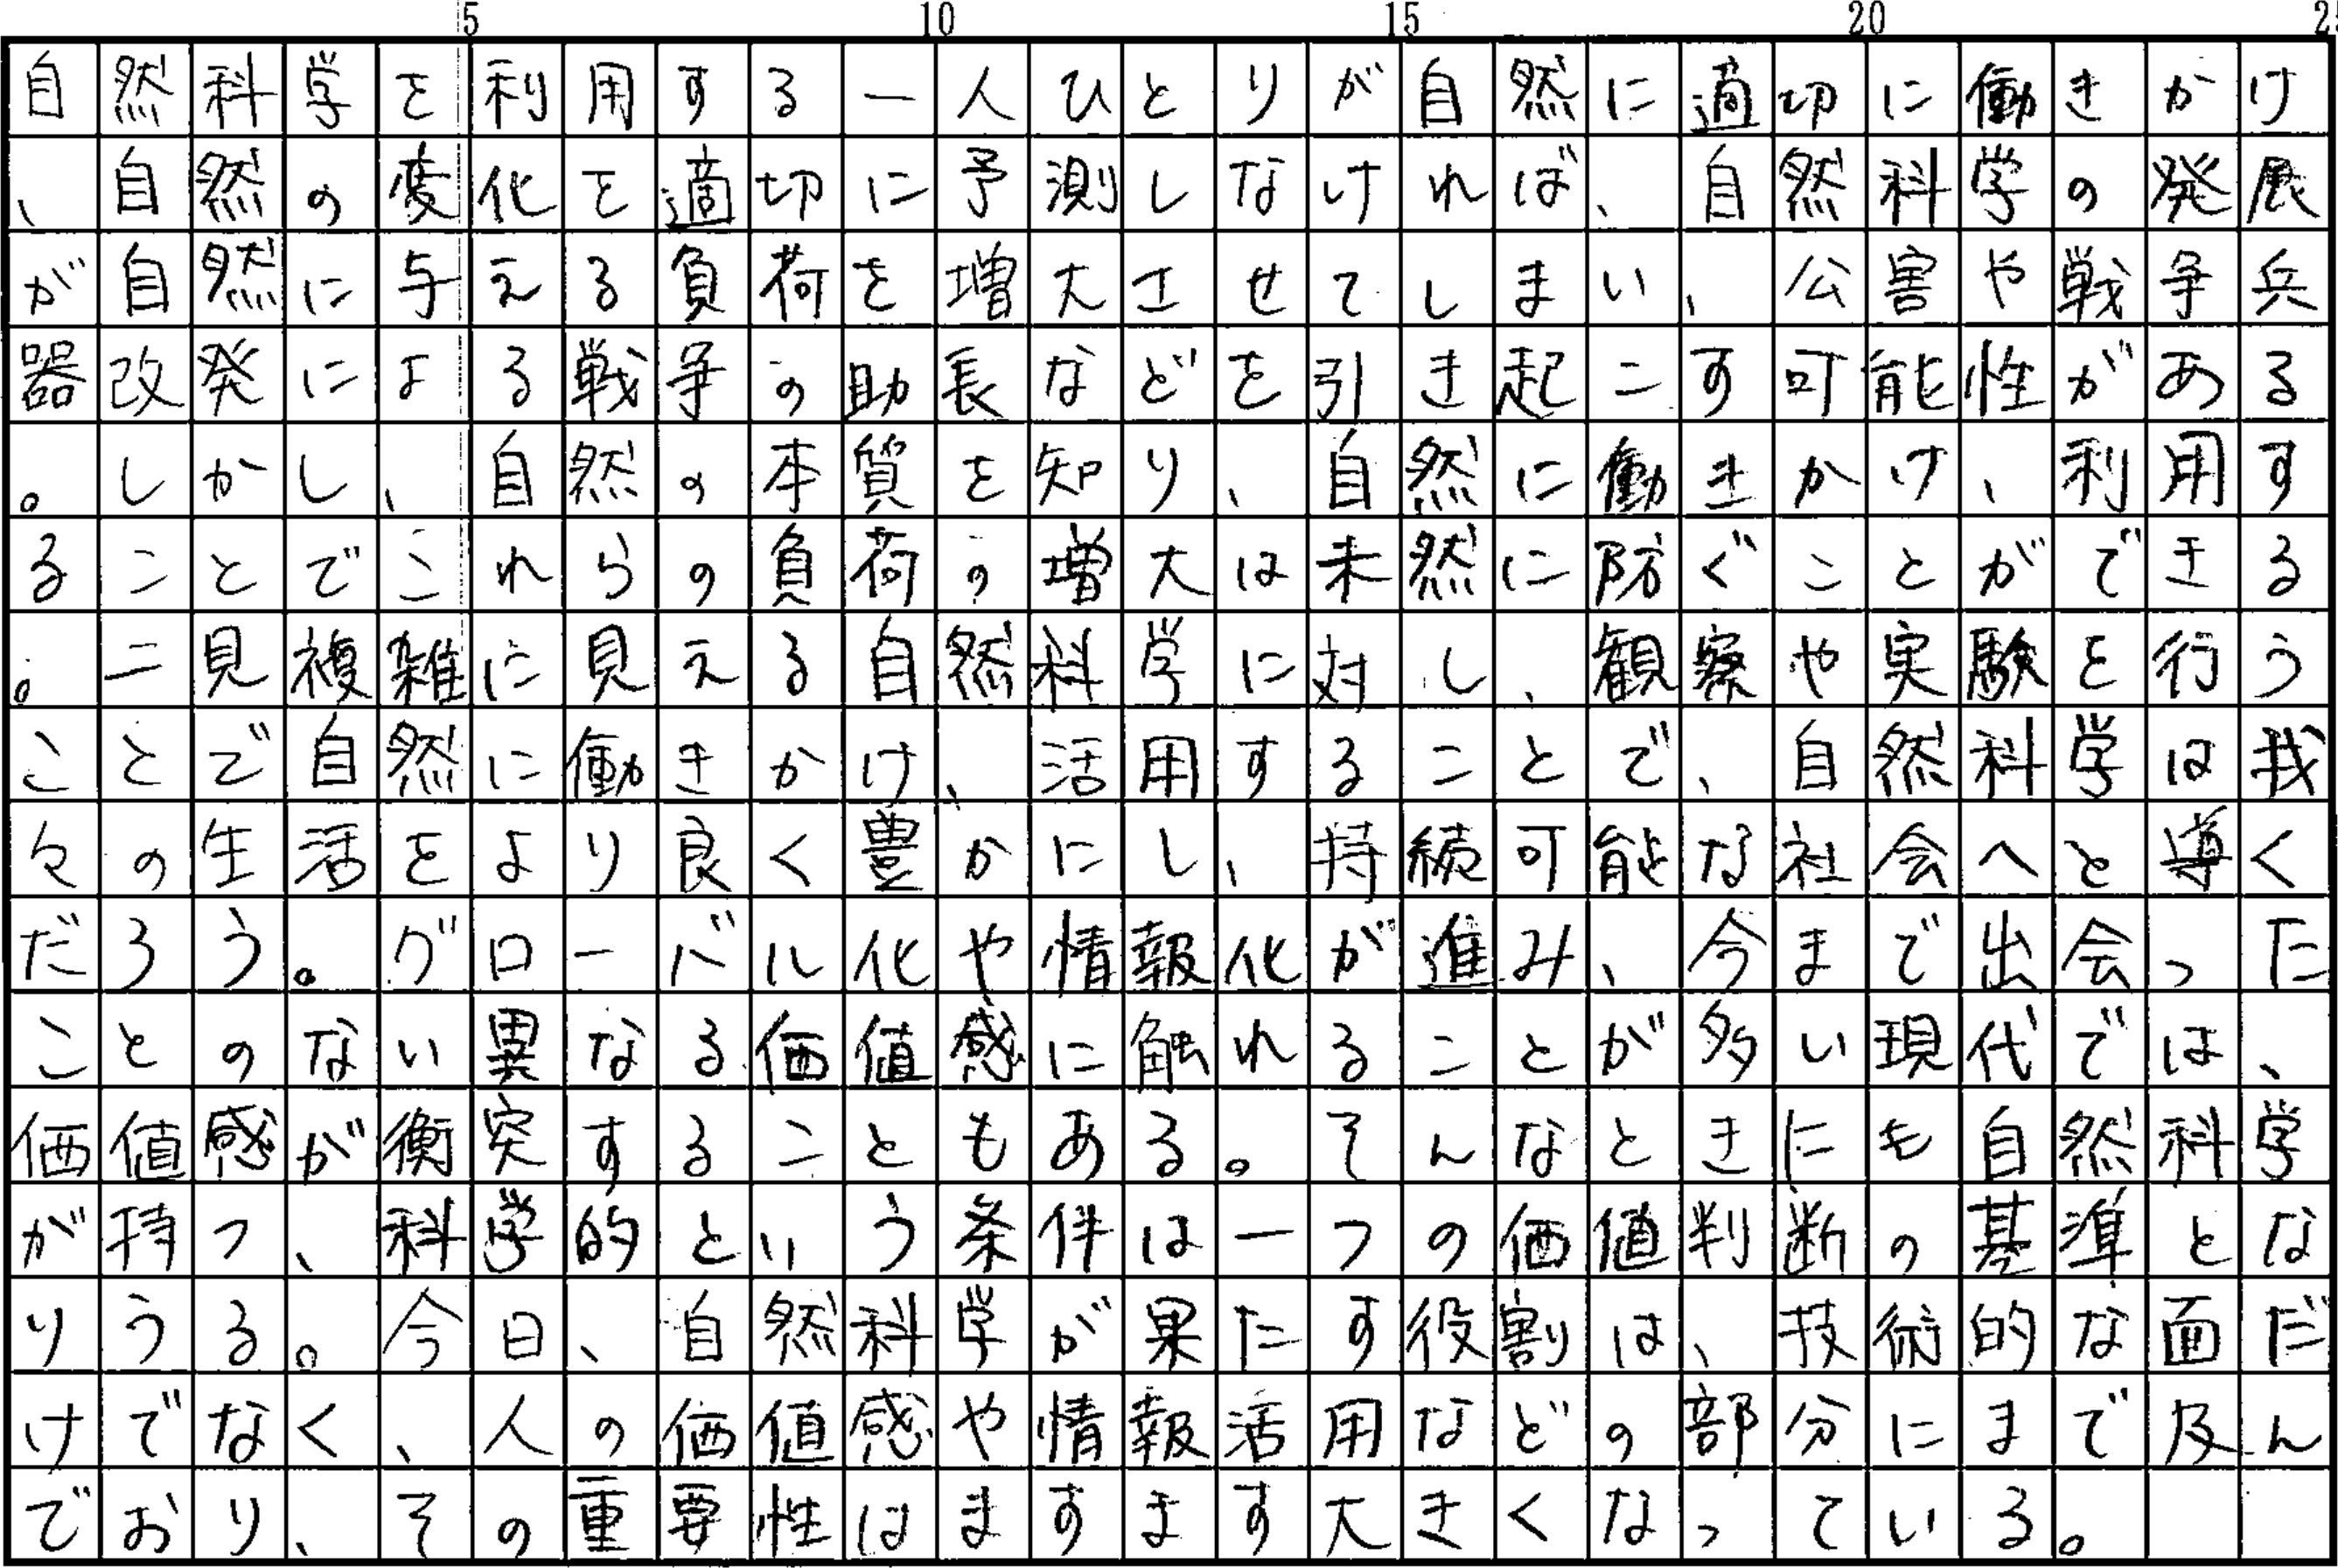自然科学を利用する一人ひとりが自然に適切に働きかけ、自然の変化を適切に予測しなければ、自然科学の発展が自然に与える負荷を増大させてしまい、公害や戦争兵器改発による戦争の助長などを引き起こす可能性がある。しかし、自然の本質を知り、自然に働きかけ、利用することでこれらの負荷の増大は未然に防ぐことができる。一見複雑に見える自然科学に対し、観察や実験を行うことで自然に働きかけ、活用することで、自然科学は我々の生活をより良く豊かにし、持続可能な社会へと導くだろう。グローバル化や情報化が進み、今まで出会ったことのない異なる価値感に触れることが多い現代では、価値感が衡突することもある。そんなときにも自然科学が持つ、科学的という条件は一つの価値判断の基準となりうる。今日、自然科学が果たす役割は、技術的な面だけでなく、人の価値感や情報活用などの部分にまで及んでおり、その重要性はますます大きくなっている。
